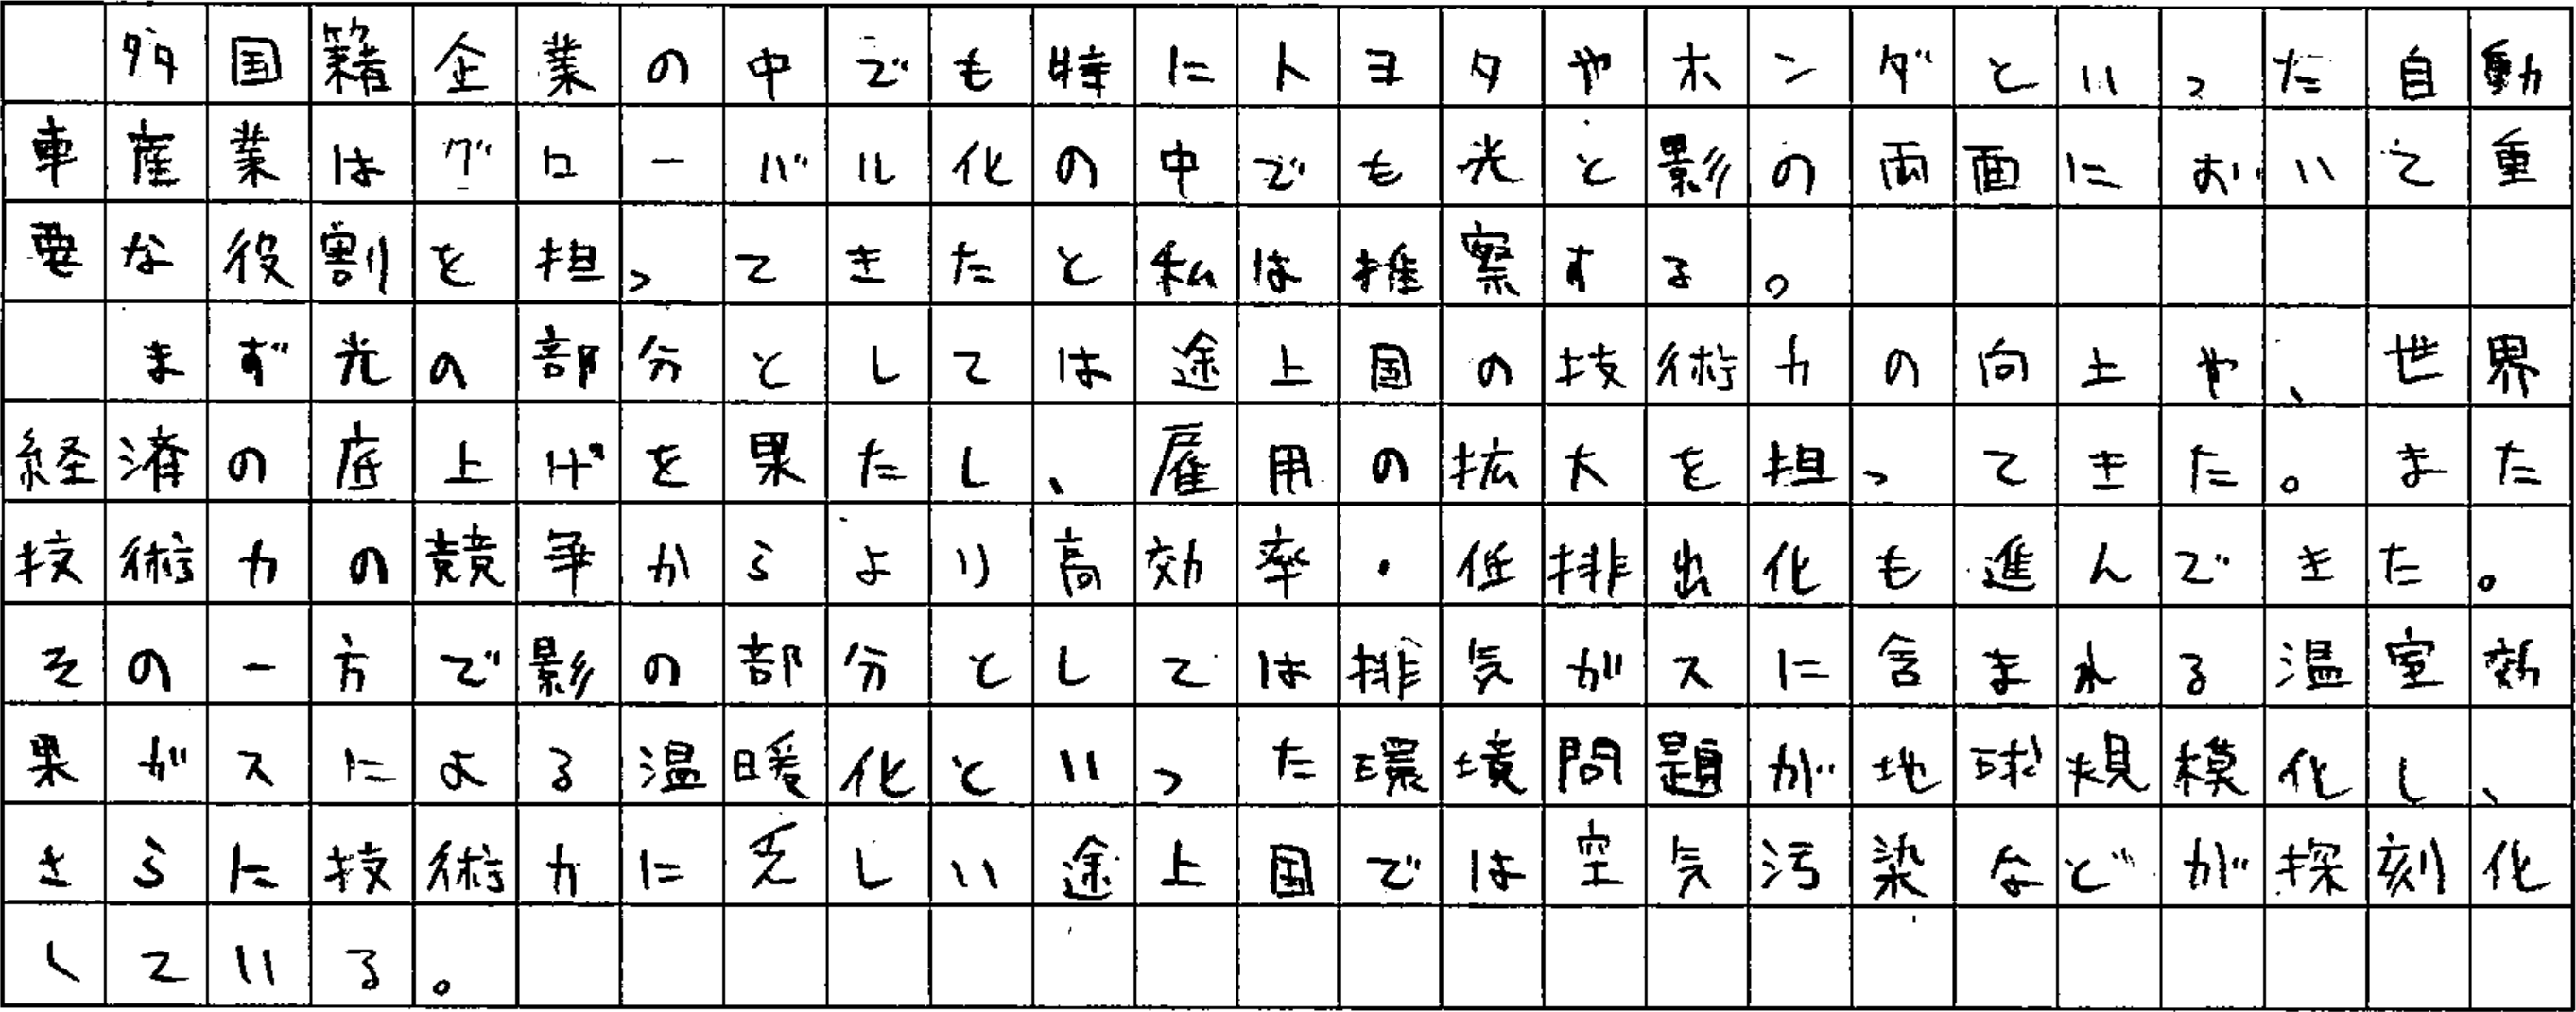　多国籍企業の中でも特にトヨタやホンダといった自動車産業はグローバル化の中でも光と影の両面において重要な役割を担ってきたと私は推察する。
　まず光の部分としては途上国の技術力の向上や、世界経済の底上げを果たし、雇用の拡大を担ってきた。また技術力の競争からより高効率・低排出化も進んできた。その一方で影の部分としては排気ガスに含まれる温室効果ガスによる温暖化といった環境問題が地球規模化し、さらに技術力に乏しい途上国では空気汚染などが探刻化している。
